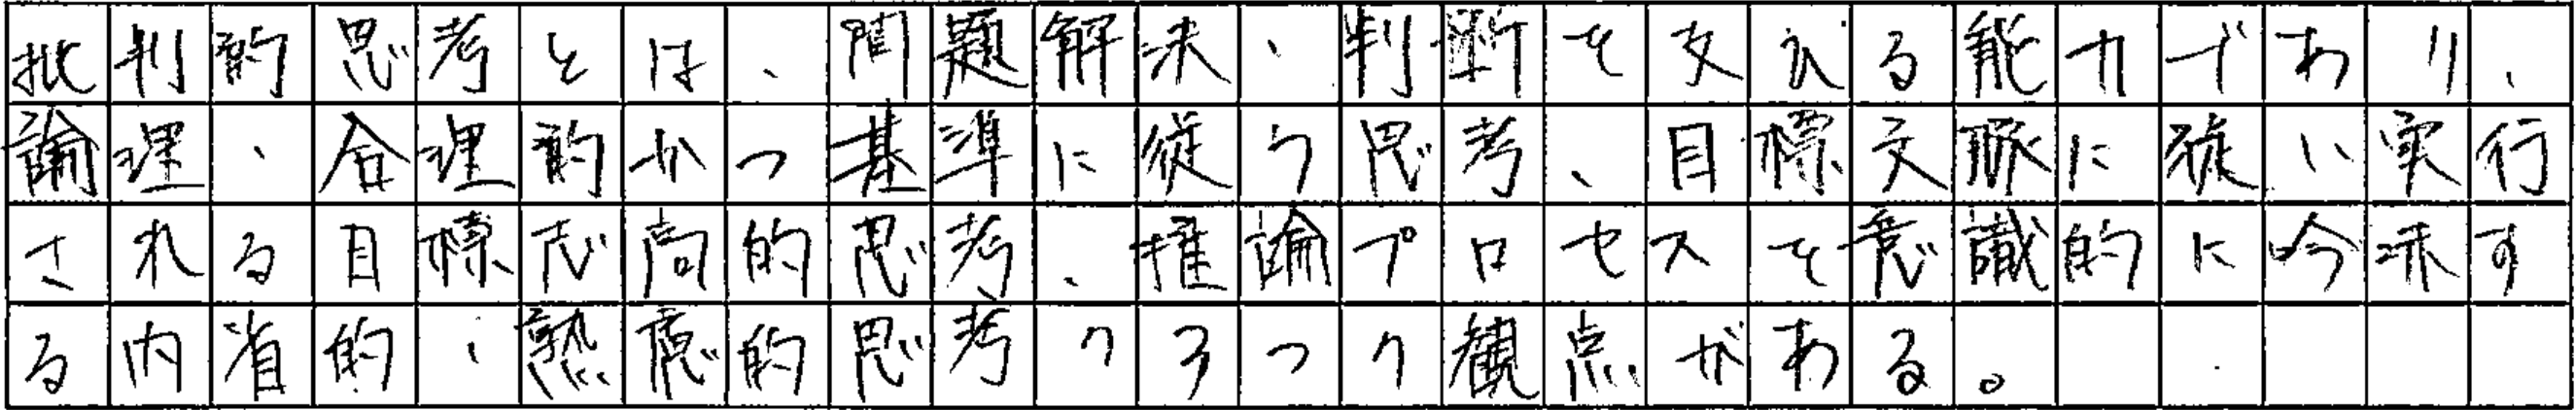批判的思考とは、問題解決・判断を支える能力であり、論理・合理的かつ基準に従う思考、目標文脈に従い実行される目標志向的思考、推論プロセスを意識的に吟味する内省的・熟慮的思考の３つの観点がある。
